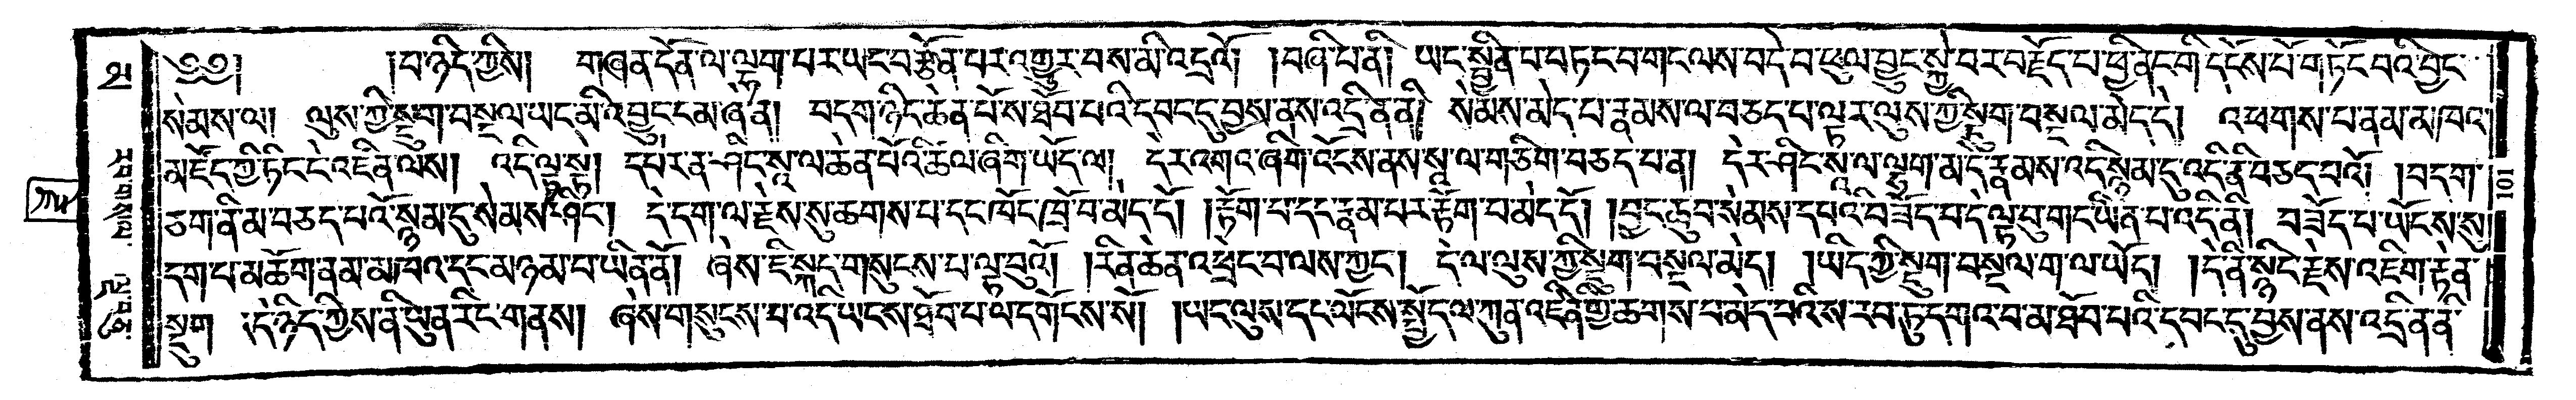༄༅། །པ་ཉིད་ཀྱིས། གཞན་དོན་ལ་ལྷག་པར་ཡང་བརྩོན་པར་འགྱུར་བས་མི་འདྲའོ། །བཞི་པ་ནི། ཡང་སྦྱིན་པ་བཏང་བ་གང་ལས་བདེ་བ་ཕུལ་བྱུང་སྐྱེ་བར་བརྗོད་པ་ཕྱི་ནང་གེ་དངོས་པོ་གཏོང་བའི་བྱང་
སེམས་ལ། ལུས་ཀྱི་སྡུག་བསྔལ་ཡང་མི་འབྱུང་ངམ་ཞེ་ན། བདག་ཉིད་ཆེན་པོ་ས་ཐོབ་པའི་དབང་དུ་བྱས་ནས་འདྲི་ན་ནི། སེམས་མེད་པ་རྣམས་ལ་བཅད་པ་ལྟར་ལུས་ཀྱི་སྡུག་བསྔལ་མེད་དེ། འཕགས་པ་ནམ་མཁའ་
མཛོད་ཀྱི་ཏིང་ངེ་འཛིན་ལས། འདི་ལྟ་སྟེ། དཔེར་ན་ཤིང་སཱ་ལ་ཆེན་པོའི་ཚལ་ཞིག་ཡོད་ལ། དེར་འགའ་ཞིག་འོངས་ནས་སཱ་ལ་གཅིག་བཅད་པ་ན། དེར་ཤིང་སཱ་ལ་ལྷག་མ་དེ་རྣམས་འདི་སྙམ་དུ་འདི་ནི་བཅད་པའོ། །བདག་
ཅག་ནི་མ་བཅད་པའོ་སྙམ་དུ་སེམས་ཤིང་། དེ་དག་ལ་རྗེས་སུ་ཆགས་པ་དང་ཁོང་ཁྲོ་བ་མེད་དོ། །རྟོག་པ་དང་རྣམ་པར་རྟོག་པ་མེད་དོ། །བྱང་ཆུབ་སེམས་དཔའི་བཟོད་པ་དེ་ལྟ་བུ་གང་ཡིན་པ་འདི་ནི། བཟོད་པ་ཡོངས་སུ་
དག་པ་མཆོག་ནམ་མཁའ་དང་མཉམ་པ་ཡིན་ནོ། ཞེས་ཇི་སྐད་གསུངས་པ་ལྟ་བུའོ། །རིན་ཆེན་འཕྲེང་བ་ལས་ཀྱང་། དེ་ལ་ལུས་ཀྱི་སྡུག་བསྔལ་མེད། །ཡིད་ཀྱི་སྡུག་བསྔལ་ག་ལ་ཡོད། །དེ་ནི་སྙིང་རྗེས་འཇིག་རྟེན་
སྡུག ༑དེ་ཉིད་ཀྱིས་ནི་ཡུན་རིང་གནས། ཞེས་གསུངས་པ་འདི་ཡང་ས་ཐོབ་པ་ལ་དགོངས་སོ། །ཡང་ལུས་དང་ལོངས་སྤྱོད་ལ་ཀུན་འཛིན་གྱི་ཆགས་པ་མེད་པའི་ས་རབ་ཏུ་དགའ་བ་མ་ཐོབ་པའི་དབང་དུ་བྱས་ནས་འདྲི་ན་ནི་